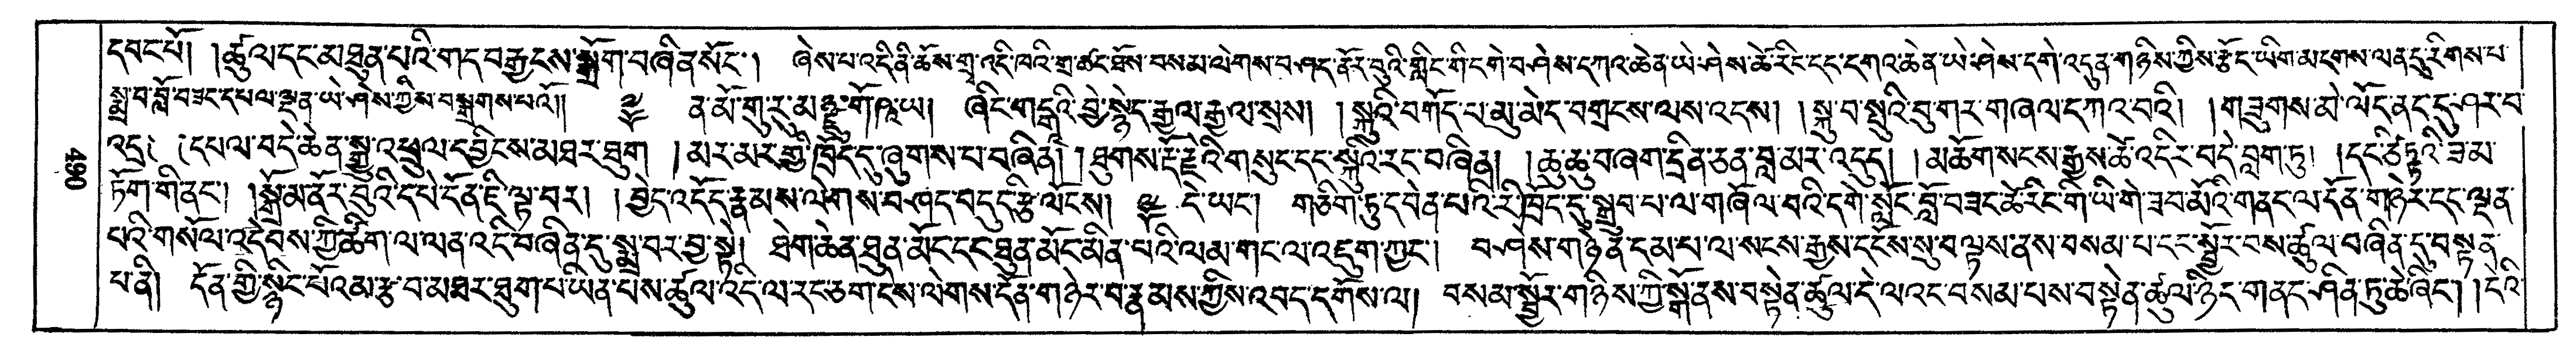དབང་པོ། །ཚུལ་དང་མཐུན་པའི་གད་བརྒྱངས་སྒྲོག་བཞིན་སོང།། ཞེས་པ་འདི་ནི་ཆོས་གྲྭ་འདི་ཁའི་གྲྭ་ཚང་ཐོས་བསམ་ལེགས་བཤད་ནོར་བུའི་གླིང་གི་དགེ་བཤེས་བཀའ་ཆེན་ཡེ་ཤེས་ཚེ་རིང་དང་དཀའ་ཆེན་ཡེ་ཤེས་དགེ་འདུན་གཉིས་ཀྱིས་རྩོད་ཡིག་མངགས་ལན་དུ་རིགས་པ་
སྨྲ་བ་བློ་བཟང་དཔལ་ལྡན་ཡེ་ཤེས་ཀྱིས་བསྒྲགས་པའོ།། ༈ ན་ནོ་གུ་རུ་མཉྫུ་གྷོ་ཥཱ་ཡ། ཞིང་གངྒའི་བྱེ་སྙེད་རྒྱལ་སྲས། །སྐུའི་བཀོད་པ་མུ་མེད་བགྲངས་ལས་འདས། །སྐུ་བ་སྤུའི་བུ་གར་གཞལ་དཀའ་བའི། །གཟུགས་མེ་ལོང་ནང་དུ་ཤར་བ་
འདྲ༑ ༑དཔལ་བདེ་ཆེན་སྒྱུ་འཕྲུལ་དབྱིངས་མཐར་ཐུག །མར་མར་གྱི་ཁྲོད་དུ་ཞུགས་པ་བཞིན། །ཐུགས་རྡོ་རྗེའི་གསུང་དང་སྐུའི་རང་བཞིན། །ཆུ་ཆུ་བཞག་དྲིན་ཆན་བླ་མར་འདུད། །མཆོག་སངས་རྒྱས་ཚེ་འདིར་བདེ་བླག་ཏུ། །རང་ཅིཏྟའི་ཟ་མ་
ཏོག་གི་ནང་། །སྒྲོམ་ནོར་བུའི་དཔེ་དོན་ཇི་ལྟ་བར། །བྱེད་འདོད་རྣམས་ལེགས་བཤད་བདུད་རྩི་ལོངས། ༈ དེ་ཡང་། གཅིག་དུ་བདེན་པའི་རི་ཁྲོད་དུ་སྒྲུབ་པ་ལ་གཞོལ་བའི་དགེ་སློང་བློ་བཟང་ཚེ་རིང་གི་ཡི་གེ་ཟབ་མོའི་གནད་ལ་དོན་གཉེར་དང་ལྡན་
པའི་གསོལ་འདེབས་ཀྱི་ཚིག་ལ་ལན་འདི་བཞིན་དུ་སྨྲ་བར་བྱ་སྟེ། ཐེག་ཆེན་ཐུན་མོང་དང་ཐུན་མོང་མིན་པའི་ལམ་གང་ལ་འཇུག་ཀྱང་། བཤེས་གཉེན་དམ་པ་ལ་སངས་རྒྱས་དངོས་སུ་བལྟས་ནས་བསམ་པ་དང་སྦྱོར་བས་ཚུལ་བཞིན་དུ་བསྟན་
པ་ནི། དོན་གྱི་སྙིང་པོའམ་རྩ་བ་མཐར་ཐུག་པ་ཡིན་པས་ཚུལ་འདི་ལ་རང་ཅག་ངེས་ལེགས་དོན་གཉེར་བ་རྣམས་ཀྱིས་འབད་དགོས་ལ། བསམ་སྦྱོར་གཉིས་ཀྱི་སྒོ་ནས་བསྟེན་ཚུལ་དེ་ལའང་བསམ་པས་བསྟེན་ཚུལ་ཉིད་གནད་ཤིན་ཏུ་ཆེ་ཞིང་། །དེའི་